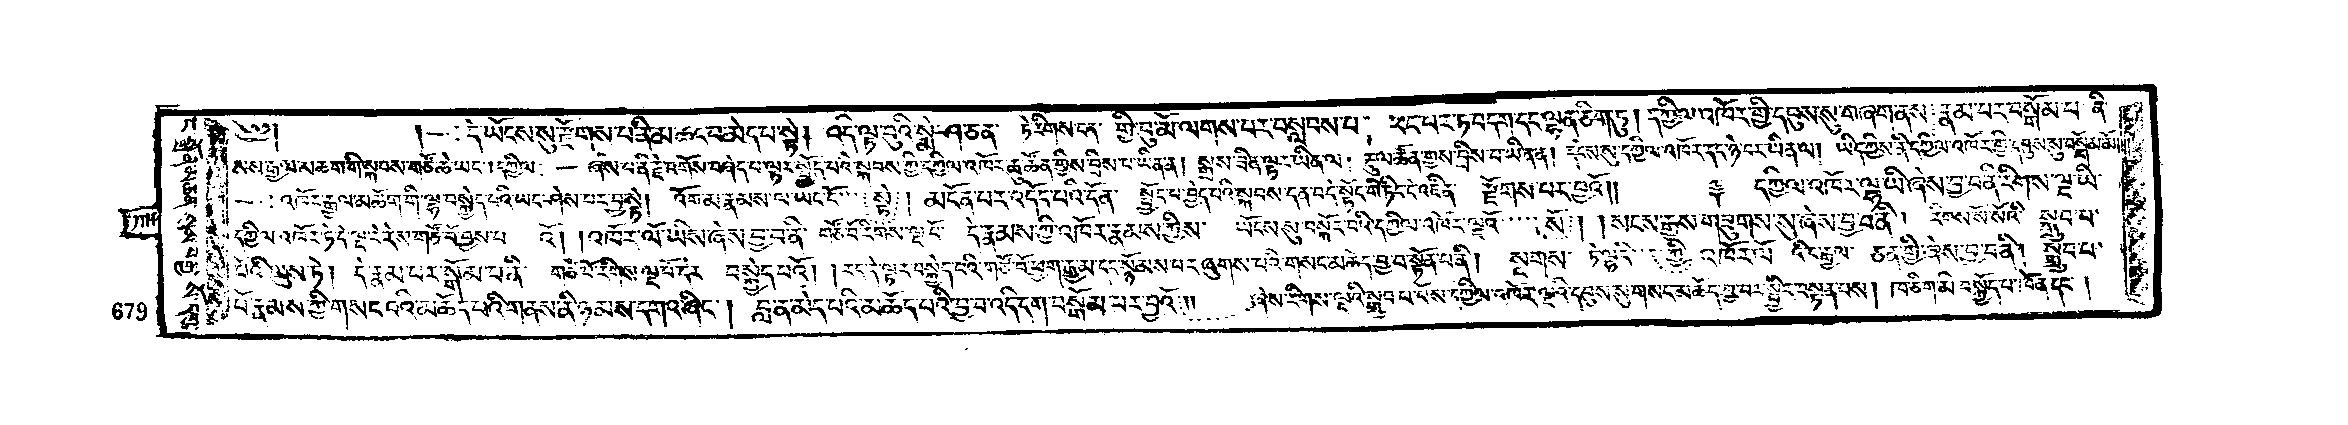༄༅། །དེ་ཡོངས་སུ་རྫོགས་པ་ནི་མ་ཚང་བ་མེད་པ་སྟེ། འདི་ལྟ་བུའི་སྨེ་ཤ་ཅན་ཏེ་རིགས་ངན་གྱི་བུ་མོ་ལེགས་པར་བསླབས་པ། པང་པར་ཏེ་བདག་དང་ལྷན་ཅིག་ཏུ། དཀྱིལ་འཁོར་གྱི་དབུས་སུ་གཞག་ནས་རྣམ་པར་བསྒོམ་པ་ནི་
ལས་རྒྱལ་མཆོག་གི་སྐབས་གཙོ་ཆེ་ཡང་། དཀྱིལ་H.་ཞས་པ་ནི་རྗེ་འགོས་བཞེད་པ་ལྟར་སྤྱོད་པའི་སྐབས་ཀྱི་དཀྱིལ་འཁོར་ཆུ་ཚོན་གྱིས་བྲིས་པ་ཡིན་ན། སྒྲས་ཟིན་ལྟར་ཡིན་ལ། རྡུལ་ཚོན་གྱིས་བྲིས་པ་ཡིན་ན། དངོས་སུ་དཀྱིལ་འཁོར་དང་ཉེ་བར་ཡིན་པ། ཡིད་ཀྱིས་ནི་དཀྱིལ་འཁོར་གྱི་དབུས་སུ་བསྒོམ་མོ་
.H འཁོར་རྒྱལ་མཆོག་གི་ལྷ་བསྐྱེད་པའི་ཡང་ཤེས་པར་བྱ་སྟེ། འོག་མ་རྣམས་ལ་ཡང་ངོ་སྟེ། མངོན་པར་འདོད་པའི་དོན་སྤྱོད་པ་བྱེད་པའི་སྐབས་དན་བདེ་སྟོང་གི་ཏིང་ངེ་འཛིན་རྫོགས་པར་བྱའོ།། ༈ དཀྱིལ་འཁོར་ལྔ་ཡི་ཞེས་བྱ་བ་ནི་རིགས་ལྔ་ཡི་
དཀྱིལ་འཁོར་ཏེ་དེ་ལྔ་རེ་རེས་གཙོ་བོ་བྱས་པའོ། །འཁོར་ལོ་ཡིས་ཞེས་བྱ་བ་ནི་གཙོ་བོ་རིགས་ལྔ་པོ་དེ་རྣམས་ཀྱི་འཁོར་རྣམས་ཀྱིས་ཡོངས་སུ་བསྐོར་བའི་དཀྱིལ་འཁོར་ལྔའོ་སོ། །སངས་རྒྱས་གཟུགས་སུ་ཞེས་བྱ་བ་ནི། རིགས་སོ་སོའི་སྒྲུབ་པ་
པོའི་ལུས་ཏེ། དེ་རྣམ་པར་སྒོམ་པ་ནི་གཙོ་བོ་རིགས་ལྔ་པོ་དེར་བསྐྱེད་པའོ། ། རང་དེ་ལྟར་བསྐྱེད་པའི་གཙོ་བོ་ཕྱག་རྒྱ་མ་དང་སྙོམས་པར་ཞུགས་པའི་གསང་མཆོད་བྱ་བ་སྟོན་པ་ནི།  སྔགས་ཏེ་ལྷའི་ཀྱི་འཁོར་ལོའི་ང་རྒྱལ་ཅན་གྱི་ཞེས་བྱ་བ་ནི། སྒྲུབ་པ་
པོ་རྣམས་ཀྱི་གསང་བའི་མཆོད་པའི་གནས་ནི་ཉམས་དགའ་ཞིང་། བླ་ན་མེད་པའི་མཆོད་པའི་བྱ་བ་འདི་དག་བསྒོམ་པར་བྱའོ།། ཞེས་རིགས་ལྔའི་སྒྲུབ་པ་པོས་དཀྱིལ་འཁོར་ལྔའི་དབུས་སུ་གསང་མཆོད་བྱ་བར་སྤྱིར་བསྟན་པས། ཁ་ཅིག་མི་བསྐྱོད་པ་ཁོ་ན་དང་།